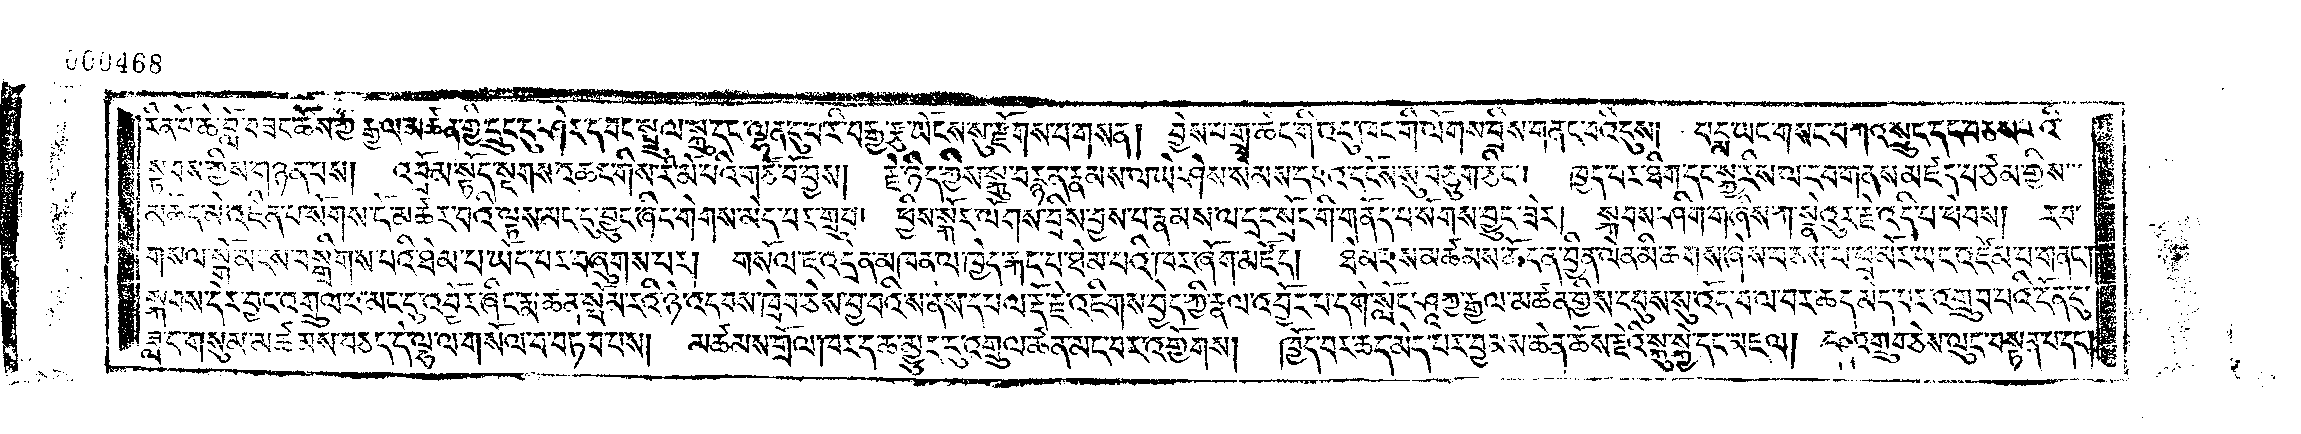རིན་པོ་ཆེ་བློ་བཟང་ཆོས་ཀྱི་རྒྱལ་མཚན་གྱི་དྲུང་དུ་ཤེར་དབང་སྤྲུལ་སྐུ་དང་ལྷན་དུ་པ་རི་བརྒྱ་རྩ་ཡོངས་སུ་རྫོགས་བ་གསན། བྱེས་པ་གྲྭ་ཚང་གི་འདུ་ཁང་གི་ལོགས་བྲིས་གནང་བའི་དུས། པདམ་ཡང་གསང་བཀའ་སྲུང་དང་བཅས་པའི་
སྟབས་ཀྱིས་གཉན་བས། འབྲོམ་སྟོད་སྔགས་འཆང་གིས་རི་མོ་པའི་གཙོ་བོ་བྱས། རྗེ་ཉིད་ཀྱིས་སྐུ་བརྙན་རྣམས་ལ་ཡེ་ཤེས་སེམས་དཔའ་དངོས་སུ་བཅུག་ཅིང་། ཁྱད་པར་ཐིག་དང་སྐྱ་རིས་ལ་རབ་གནས་མཛད་པ་ཙམ་གྱིས་
མཆོད་མེ་འཛིན་པ་སོགས་ངོ་མཚར་བའི་ལྟས་མང་དུ་བྱུང་ཞིང་གེགས་མེད་པར་གྲུབ། ཕྱིས་སྐོར་ལོགས་བྲིས་བྱས་པ་རྣམས་ལ་དྲང་སྲོང་གི་གནོད་པ་སོགས་བྱུང་ཟེར། སྐབས་ཤིག་གཞིས་ཀ་སྣེའུར་རྗེ་འདི་པ་ཕེབས། རབ་
གསལ་སྒོ་མངས་བསྒྲིགས་པའི་ཐེམ་པ་ཡོང་བར་བཞུགས་པར། གསོལ་ཇ་འདྲེན་མཁན་ལ་ཁྱེད་རྐང་པ་ཐེམ་བའི་ཁར་ཞོག་མཛོད། ཐེམ་པས་མཚམས་ཆོད་ན་བྱིན་ལེན་མི་ཆགས་ཞེས་བཅས་པ་ཕྲ་མོར་ཡང་འཛེམ་པ་གནང་།
སྐབས་དེར་བྱང་འགྲུལ་པ་མང་དུ་འབྱོར་ཞིང་རྨ་ཆེན་སྤོམ་རའི་ཉེ་འདབས་ཁྲེབ་ཅེས་བྱ་བའི་ས་ནས་དཔལ་རྡོ་རྗེ་འཇིགས་བྱེད་ཀྱི་རྣལ་འབྱོར་བ་དགེ་སློང་ཤཱཀྱ་རྒྱལ་མཚན་གྱིས་དབུས་སུ་འོང་བ་ལ་བར་ཆད་མེད་པར་འགྲུབ་པའི་དོན་དུ་
ཟླ་བ་གསུམ་མཚམས་བཅད་དེ་ལྷ་ལ་གསོལ་བ་བཏབ་པས། མཚམས་གྲོལ་ཁར་ད་ཆ་མྱུར་དུ་འགྲུལ་ཚན་མང་བར་འགྱོགས། ཁྱོད་བར་ཆད་མེད་པར་བྱམས་ཆེན་ཆོས་རྗེའི་སྐུ་སྐྱེ་དང་མཇལ། དོན་འགྲུབ་ཅེས་ལུང་བསྟན་པ་དང་།